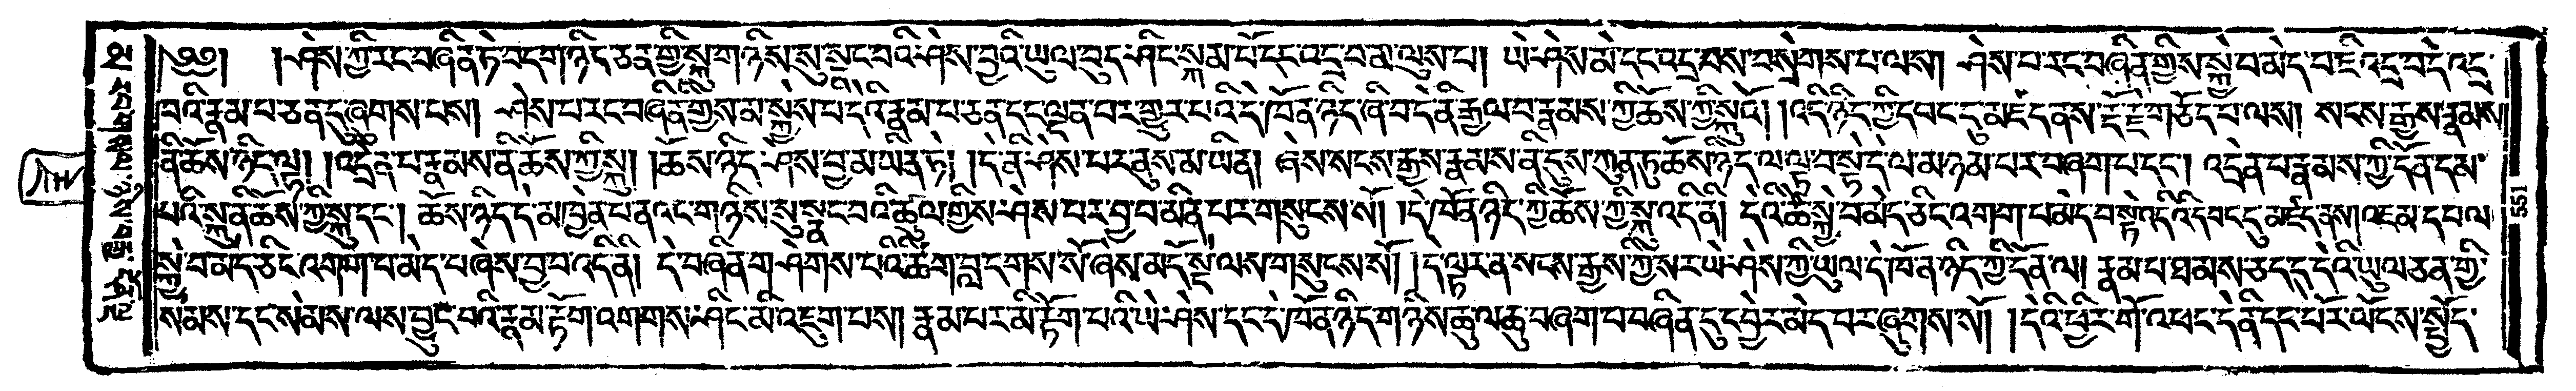༄༅། །ཤེས་ཀྱི་རང་བཞིན་ཏེ་བདག་ཉིད་ཅན་གྱི་སྐུ་གཉིས་སུ་སྣང་བའི་ཤེས་བྱའི་ཡུལ་བུད་ཤིང་སྐམ་པོ་དང་འདྲ་བ་མ་ལུས་པ། ཡེ་ཤེས་མེ་དང་འདྲ་བས་བསྲེགས་པ་ལས། ཤེས་བྱ་རང་བཞིན་གྱིས་སྐྱེ་བ་མེད་པ་ཇི་འདྲ་བ་དེ་འདྲ་
བའི་རྣམ་པ་ཅན་དུ་ཞུགས་པས། ཤེས་པ་རང་བཞིན་གྱིས་མ་སྐྱེས་པ་དེའི་རྣམ་པ་ཅན་དང་ལྡན་པར་གྱུར་བའི་དེ་ཁོ་ན་ཉིད་ཞི་བ་དེ་ནི་རྒྱལ་བ་རྣམས་ཀྱི་ཆོས་ཀྱི་སྐུའོ། །འདི་ཉིད་ཀྱི་དབང་དུ་མཛད་ནས་རྡོ་རྗེ་གཅོད་པ་ལས། སངས་རྒྱས་རྣམས་
ནི་ཆོས་ཉིད་ལྟ། །འདྲེན་པ་རྣམས་ནི་ཆོས་ཀྱི་སྐུ། །ཆོས་ཉིད་ཤེས་བྱ་མ་ཡིན་ཏེ། །དེ་ནི་ཤེས་པར་ནུས་མ་ཡིན། ཞེས་སངས་རྒྱས་རྣམས་ནི་དུས་ཀུན་ཏུ་ཆོས་ཉིད་ལ་ལྟ་བ་སྟེ་དེ་ལ་མཉམ་པར་བཞག་པ་དང་། འདྲེན་པ་རྣམས་ཀྱི་དོན་དམ་
པའི་སྐུ་ནི་ཆོས་ཀྱི་སྐུ་དང་། ཆོས་ཉིད་དེ་མཁྱེན་པ་ནའང་གཉིས་སུ་སྣང་བའི་ཚུལ་གྱིས་ཤེས་པར་བྱ་བ་མིན་པར་གསུངས་སོ། །དེ་ཁོ་ན་ཉིད་ཀྱི་ཆོས་ཀྱི་སྐུ་འདི་ནི། དེའི་ཚེ་སྐྱེ་བ་མེད་ཅིང་འགག་པ་མེད་པ་སྟེ་འདིའི་དབང་དུ་མཛད་ནས། འཇམ་དཔལ་
སྐྱེ་བ་མེད་ཅིང་འགག་པ་མེད་པ་ཞེས་བྱ་བ་འདི་ནི། དེ་བཞིན་གཤེགས་པའི་ཚིག་བླ་དགས་སོ་ཞེས་མདོ་སྡེ་ལས་གསུངས་སོ། །དེ་ལྟར་ན་སངས་རྒྱས་ཀྱི་སར་ཡེ་ཤེས་ཀྱི་ཡུལ་དེ་ཁོ་ན་ཉིད་ཀྱི་དོན་ལ། རྣམ་པ་ཐམས་ཅད་དུ་དེའི་ཡུལ་ཅན་གྱི་
སེམས་དང་སེམས་ལས་བྱུང་བའི་རྣམ་རྟོག་འགགས་ཤིང་མི་འཇུག་པས། རྣམ་པར་མི་རྟོགས་པའི་ཡེ་ཤེས་དང་དེ་ཁོ་ན་ཉིད་གཉིས་ཆུ་ལ་ཆུ་བཞག་པ་བཞིན་དུ་དབྱེར་མེད་པར་ཞུགས་སོ། །དེའི་ཕྱིར་གོ་འཕང་དེ་ནི་དང་པོར་ལོངས་སྤྱོད་